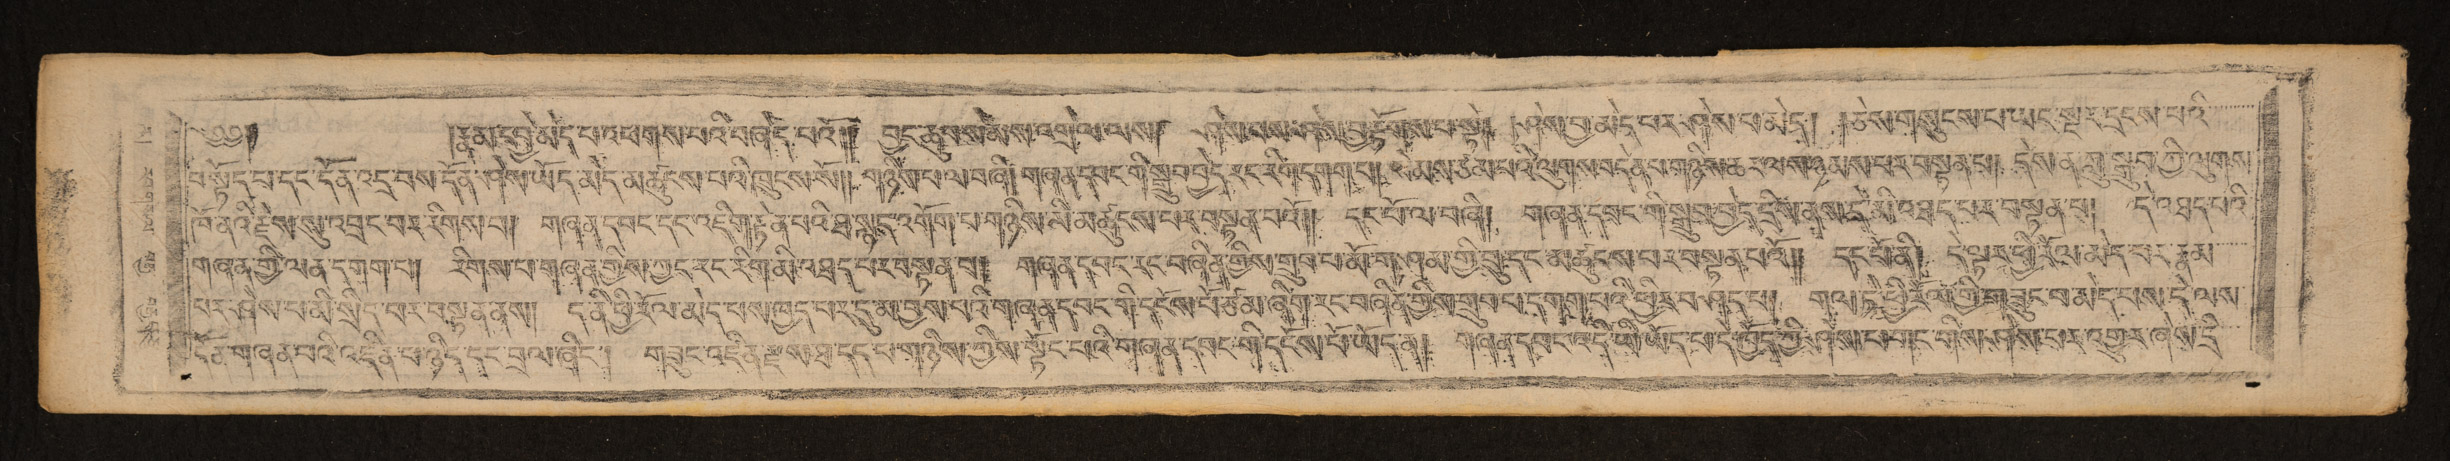༄༅། །རྣམ་དབྱེ་མེད་པ་འཕགས་པའི་བཞེད་པའོ།། བྱང་ཆུབ་སེམས་འགྲེལ་ལས། ཤེས་པས་ཤེས་བྱ་རྟོགས་པ་སྟེ། །ཤེས་བྱ་མེད་པར་ཤེས་པ་མེད། །ཅེས་གསུངས་པ་ཡང་སྔར་དྲངས་པའི་
བསྟོད་པ་དང་དོན་འདྲ་བས་དོན་ཤེས་ཡོད་མེད་མཚུངས་པའི་ཁུངས་སོ།། གཉིས་པ་ལ་བཞི། གཞན་དབང་གི་སྒྲུབ་བྱེད་རང་རིག་དགག་པ། སེམས་ཙམ་པའི་ལུགས་བདེན་པ་གཉིས་ཆར་ལས་ཉམས་པར་བསྟན་པ། དེས་ན་ཀླུ་སྒྲུབ་ཀྱི་ལུགས་
ཁོ་ནའི་རྗེས་སུ་འབྲང་བར་རིགས་པ། གཞན་དབང་དང་འཇིག་རྟེན་པའི་ཐ་སྙད་འགོག་པ་གཉིས་མི་མཚུངས་པར་བསྟན་པའོ།། དང་པོ་ལ་བཞི། གཞན་དབང་གི་སྒྲུབ་བྱེད་དྲིས་ནས་དེ་མི་འཐད་པར་བསྟན་པ། དེ་འཐད་པའི་
གཞན་གྱི་ལན་དགག་པ། རིགས་པ་གཞན་གྱིས་ཀྱང་རང་རིག་མི་འཐད་པར་བསྟན་པ། གཞན་དབང་རང་བཞིན་གྱིས་གྲུབ་པ་མོ་གཤམ་གྱི་བུ་དང་མཚུངས་པར་བསྟན་པའོ།། དང་པོ་ནི། དེ་ལྟར་ཕྱི་རོལ་མེད་པར་རྣམ་
པར་ཤེས་པ་མི་སྲིད་པར་བསྟན་ནས། ད་ནི་ཕྱི་རོལ་མེད་པས་ཁྱད་པར་དུ་མ་བྱས་པའི་གཞན་དབང་གི་དངོས་པོ་ཙམ་ཞིག་རང་བཞིན་གྱིས་གྲུབ་པ་དགག་པའི་ཕྱིར་བཤད་པ། གལ་ཏེ་ཕྱི་རོལ་གྱི་གཟུང་བ་མེད་པས་དེ་ལས་
དོན་གཞན་པའི་འཛིན་པ་ཉིད་དང་བྲལ་ཞིང་། གཟུང་འཛིན་རྫས་ཐ་དད་པ་གཉིས་ཀྱིས་སྟོང་པའི་གཞན་དབང་གི་དངོས་པོ་ཡོད་ན། གཞན་དབང་འདི་ཡི་ཡོད་པ་དེ་ཁྱོད་ཀྱི་ཤེས་པ་གང་གིས་ཤེས་པར་འགྱུར་ཞེས་དྲི་